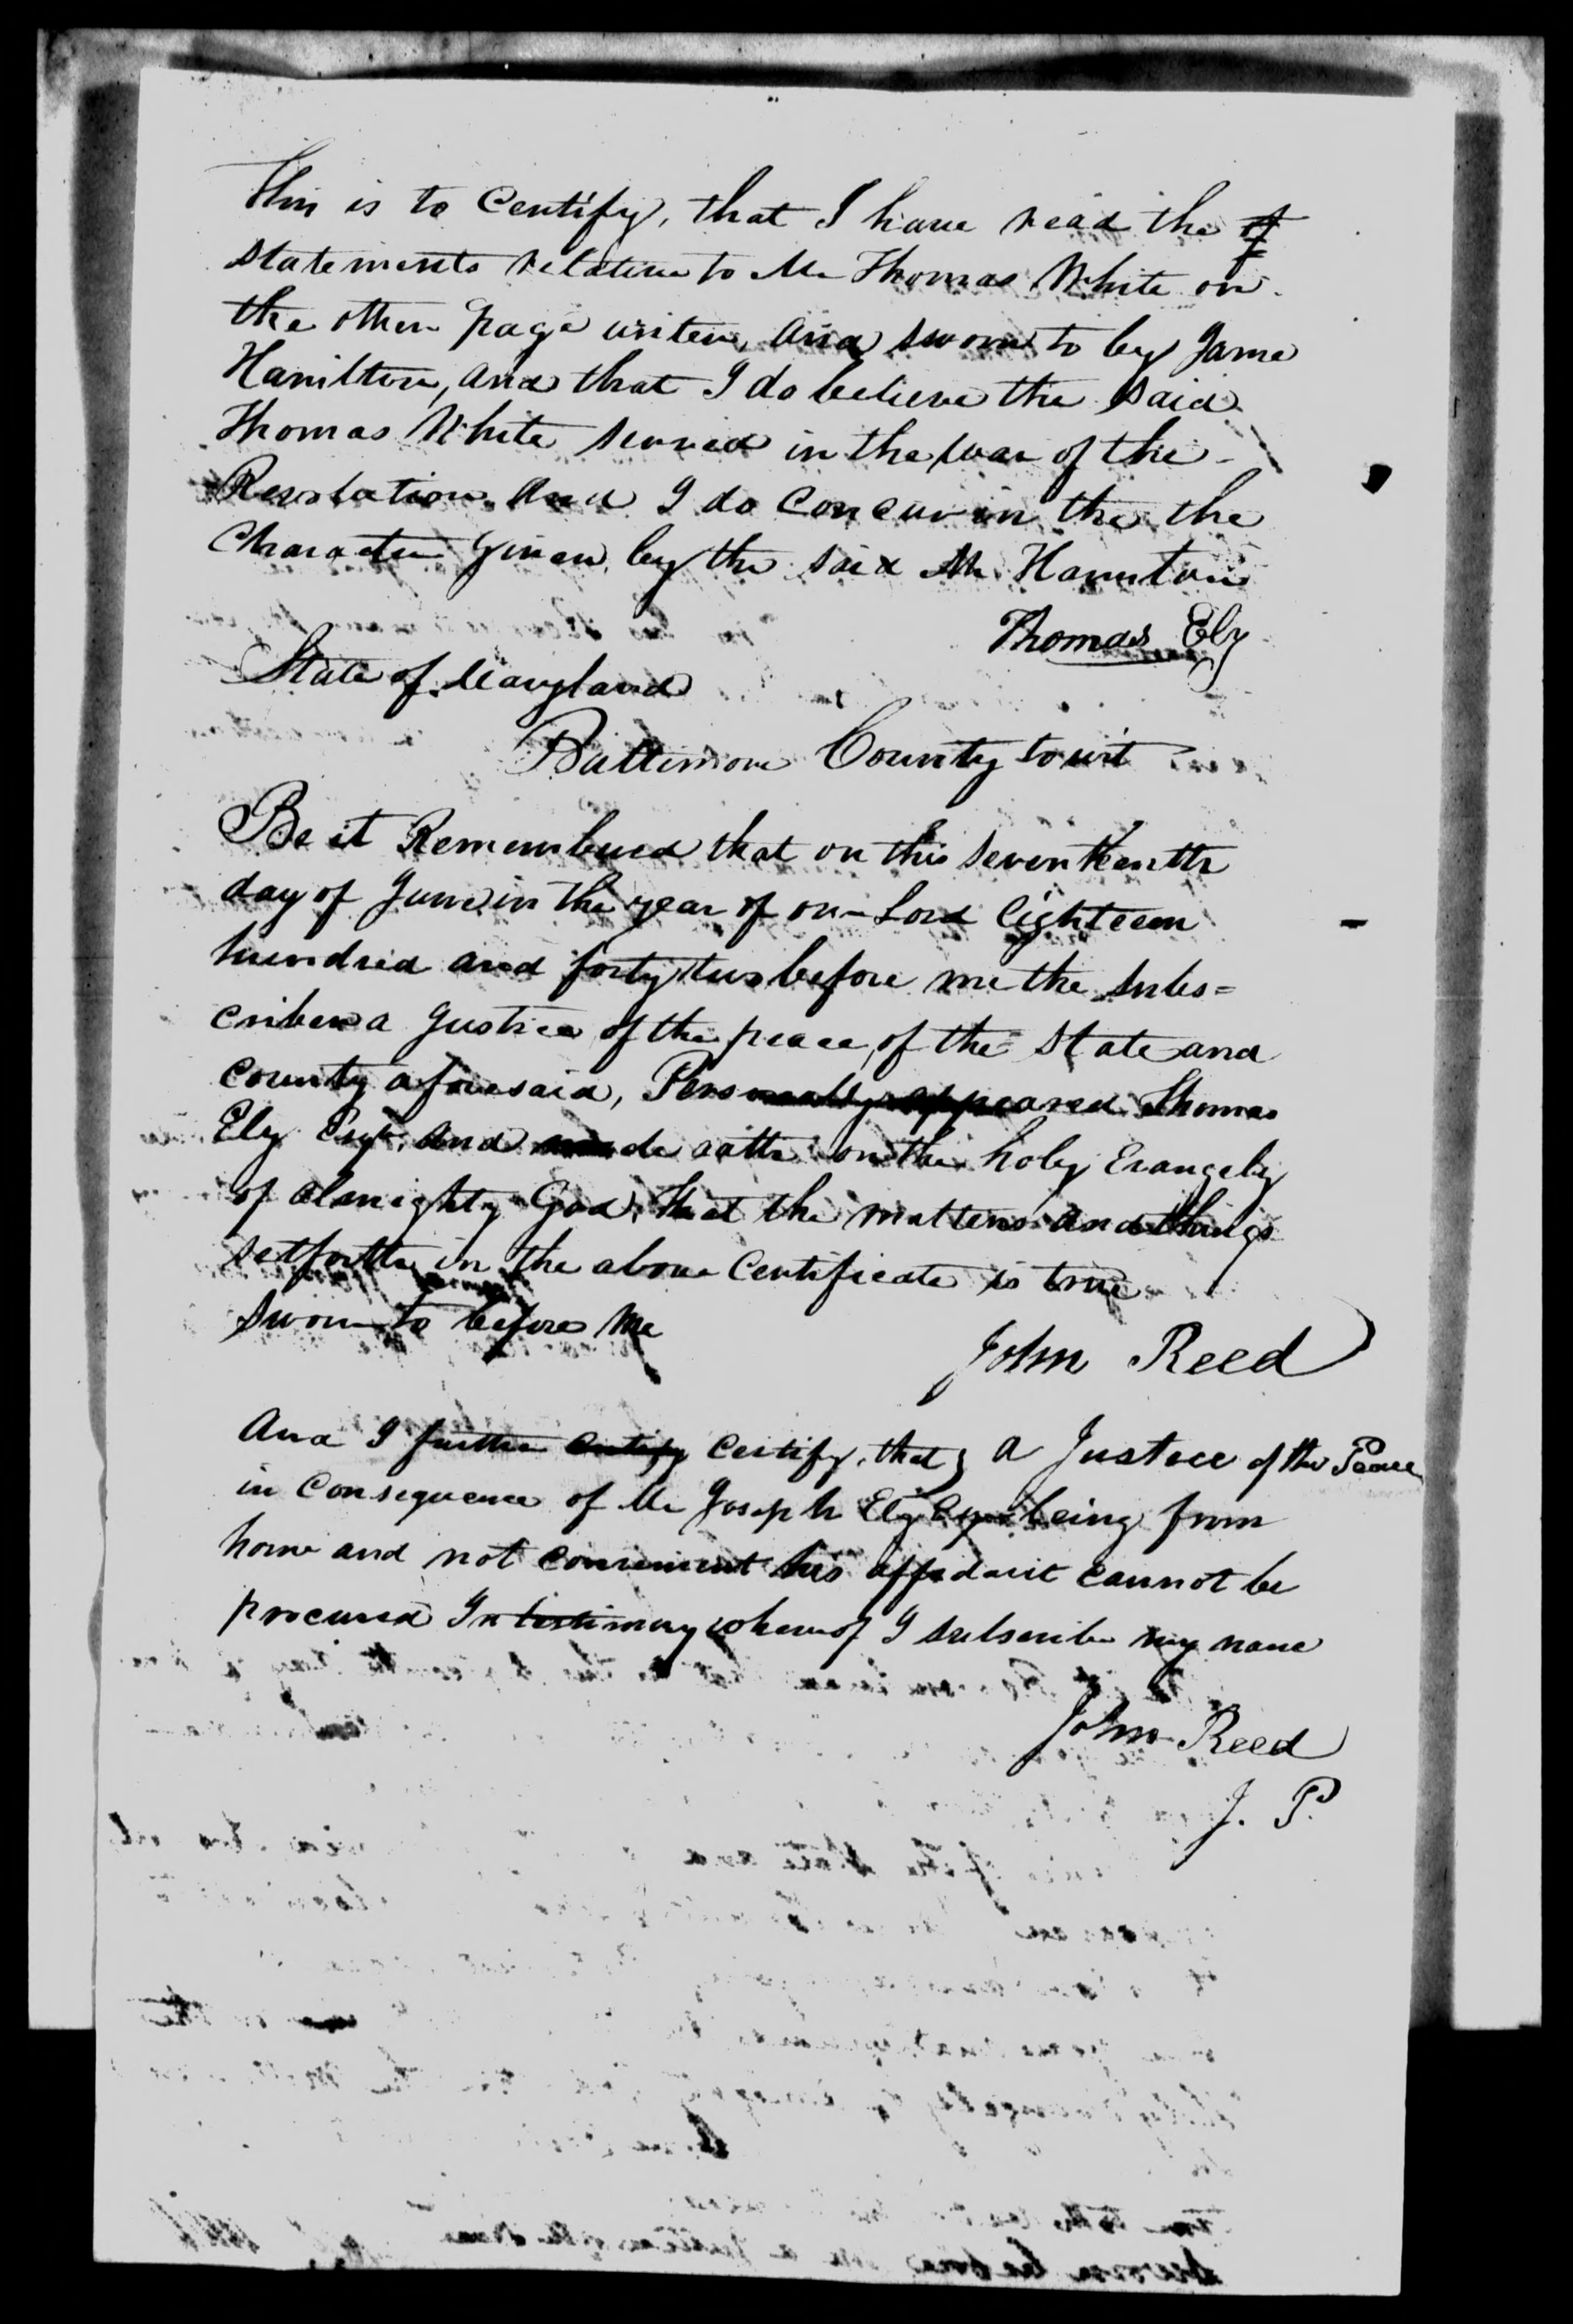This is to Certify, that I have read the [illegible crossed out] statements relative to Mr Thomas White on the other page writen [written] and sworn to by James
Hamilton, and that I do believe the said Thomas White Served in the war of the Revolution and I do concur in the the character given by the said Mr Hannton
Thomas Ely

State of Maryland
Baltimore County to wit
Be it Remembered that on this seventeenth day of June in the year of our Lord Eighteen hundred and forty two before me the subscriber a Justice of the peace of the State and County aforesaid, personally appeared Thomas Ely Esq and made oath on the holy Evangely of Almighty God, that the matter and things set forth in the above certificate is true
Sworn to before me

And I further certify certify, that a Justice of the Peace in consequence of Mr Joseph Ely Esqr [esquire] being from home and not convenient his affidavit cannot be
procured In testimony whereof I subscribe my name
John Reed
J. P.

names: Joseph Ely, Thomas Ely, John Reed, Jame Hamilton, Thomas White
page: 16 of 43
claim: survivor's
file: S. 15240, Thomas White, Md.